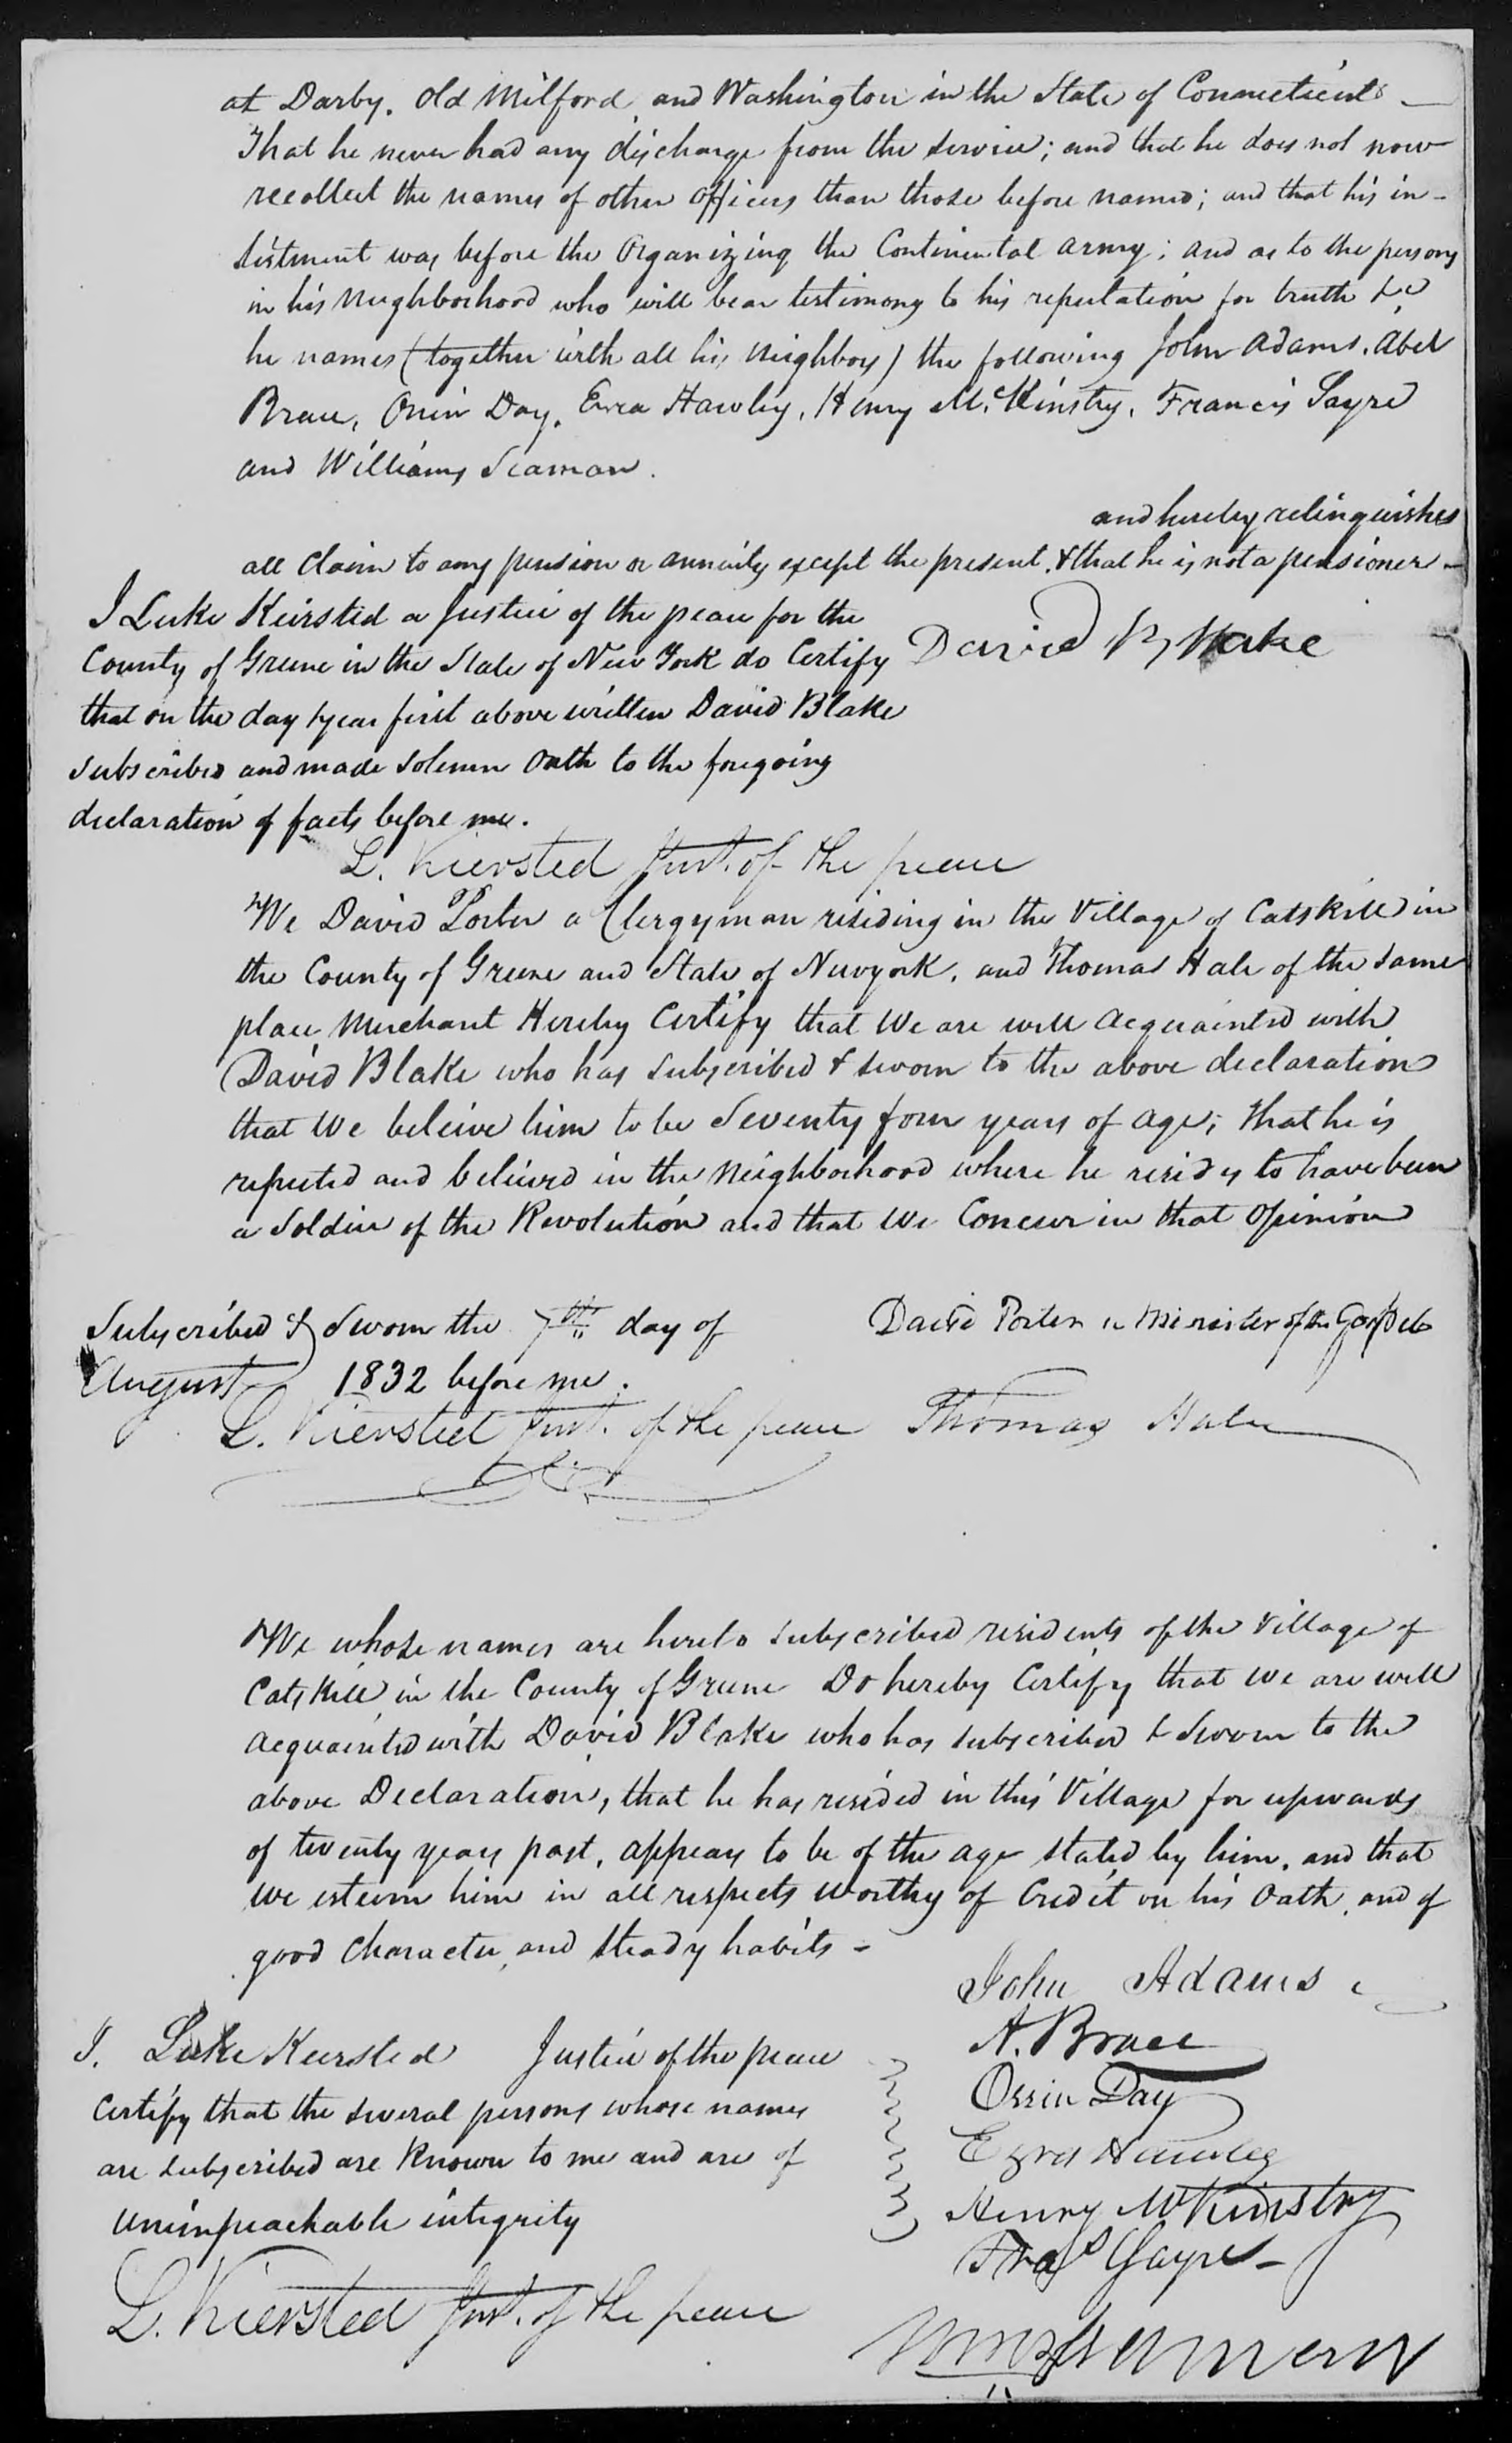at Darby, Old Milford, and Washington in the State of Connecticut
That he never had any discharge from the service; and that he does not now
recollect the names of other officers than those before named; and that his in
testment was before the organizing the Continental army; and as to the persons
in his neighborhood who will bear testimony to his reputation for truth &c
he names (together with all his Neighbors) the following John Adams, Abel
Brace, Orin Day, Eva Hawley, Henry M Kinstry, Francis Sayre
and William Scarman
and hereby relinquishes
all claim to any pension or annuity except the present, & that he is not a pensioner
I Luke Keirsted a Justice of the peace for the
County of Greene in the State of New York do certify David Blake
that on the day year first above written David Blake
Subscribed and made solemn oath to the foregoing
declaration of facts before me.
L. Kiersted  Just. of the peace
Mr David Porter a Clergyman residing in the Village of Catskill in
the County of Greene and State of New York, and Thomas Hale of the same ┃
place Merchant hereby certify that we are well acquainted with
David Blake who has subscribed & sworn to the above declaration
that we believe him to be Seventy four years of age; that he is
reputed and believed in the neighborhood where he resides to have been
a soldier of the Revolution and that we concur in that opinion
Subscribed & Sworn the 7th day of
August 1832 before me
L Kiersted Just of the peace 
David Porter a minister of Gospel
Thomas Hale
We whose names are hereto subscribed residents of the Village of
Catskill in the County of Greene Do hereby certify that we are well
acquainted with David Blake who has subscribed & sworn to the
above declaration, that he has resided in this Village for upwards
of twenty years past, appears to be of the age stated by him, and that
we esteem him in all respect worthy of Credit on his Oath, and of
good character and steady habits
I Luke Keirsted Justice of the peace
Certify that the several persons whose names
are Subscribed are Known to me and are of
Unimpeachable integrity
L. Kiersted Just. of the peace
John Adams
A. Brace
Orrin Day
Ezra Hawley
Henry McKinstry
Fras Sayre
Wms Flennery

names: Luke Keirsted, David Blake, Ezra Hawley, John Adams, Williams Siamon, Orrin Day, Henry Mc Kinstry, Ezra Hawley, L Kiersted, Fras Sayre, Abel Brace, David Blake, A Brace, Francis Sayre, Henry Mc Kinstry, David Blake, Wm, David Blake, David Porter, L Kiersted, David Porter, L Kiersted, Thomas Hale, John Adams, Orrin Day, Luke Keirsted, Thomas Hale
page: 5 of 21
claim: survivor's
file: S. 23,128, David Blake, Conn.